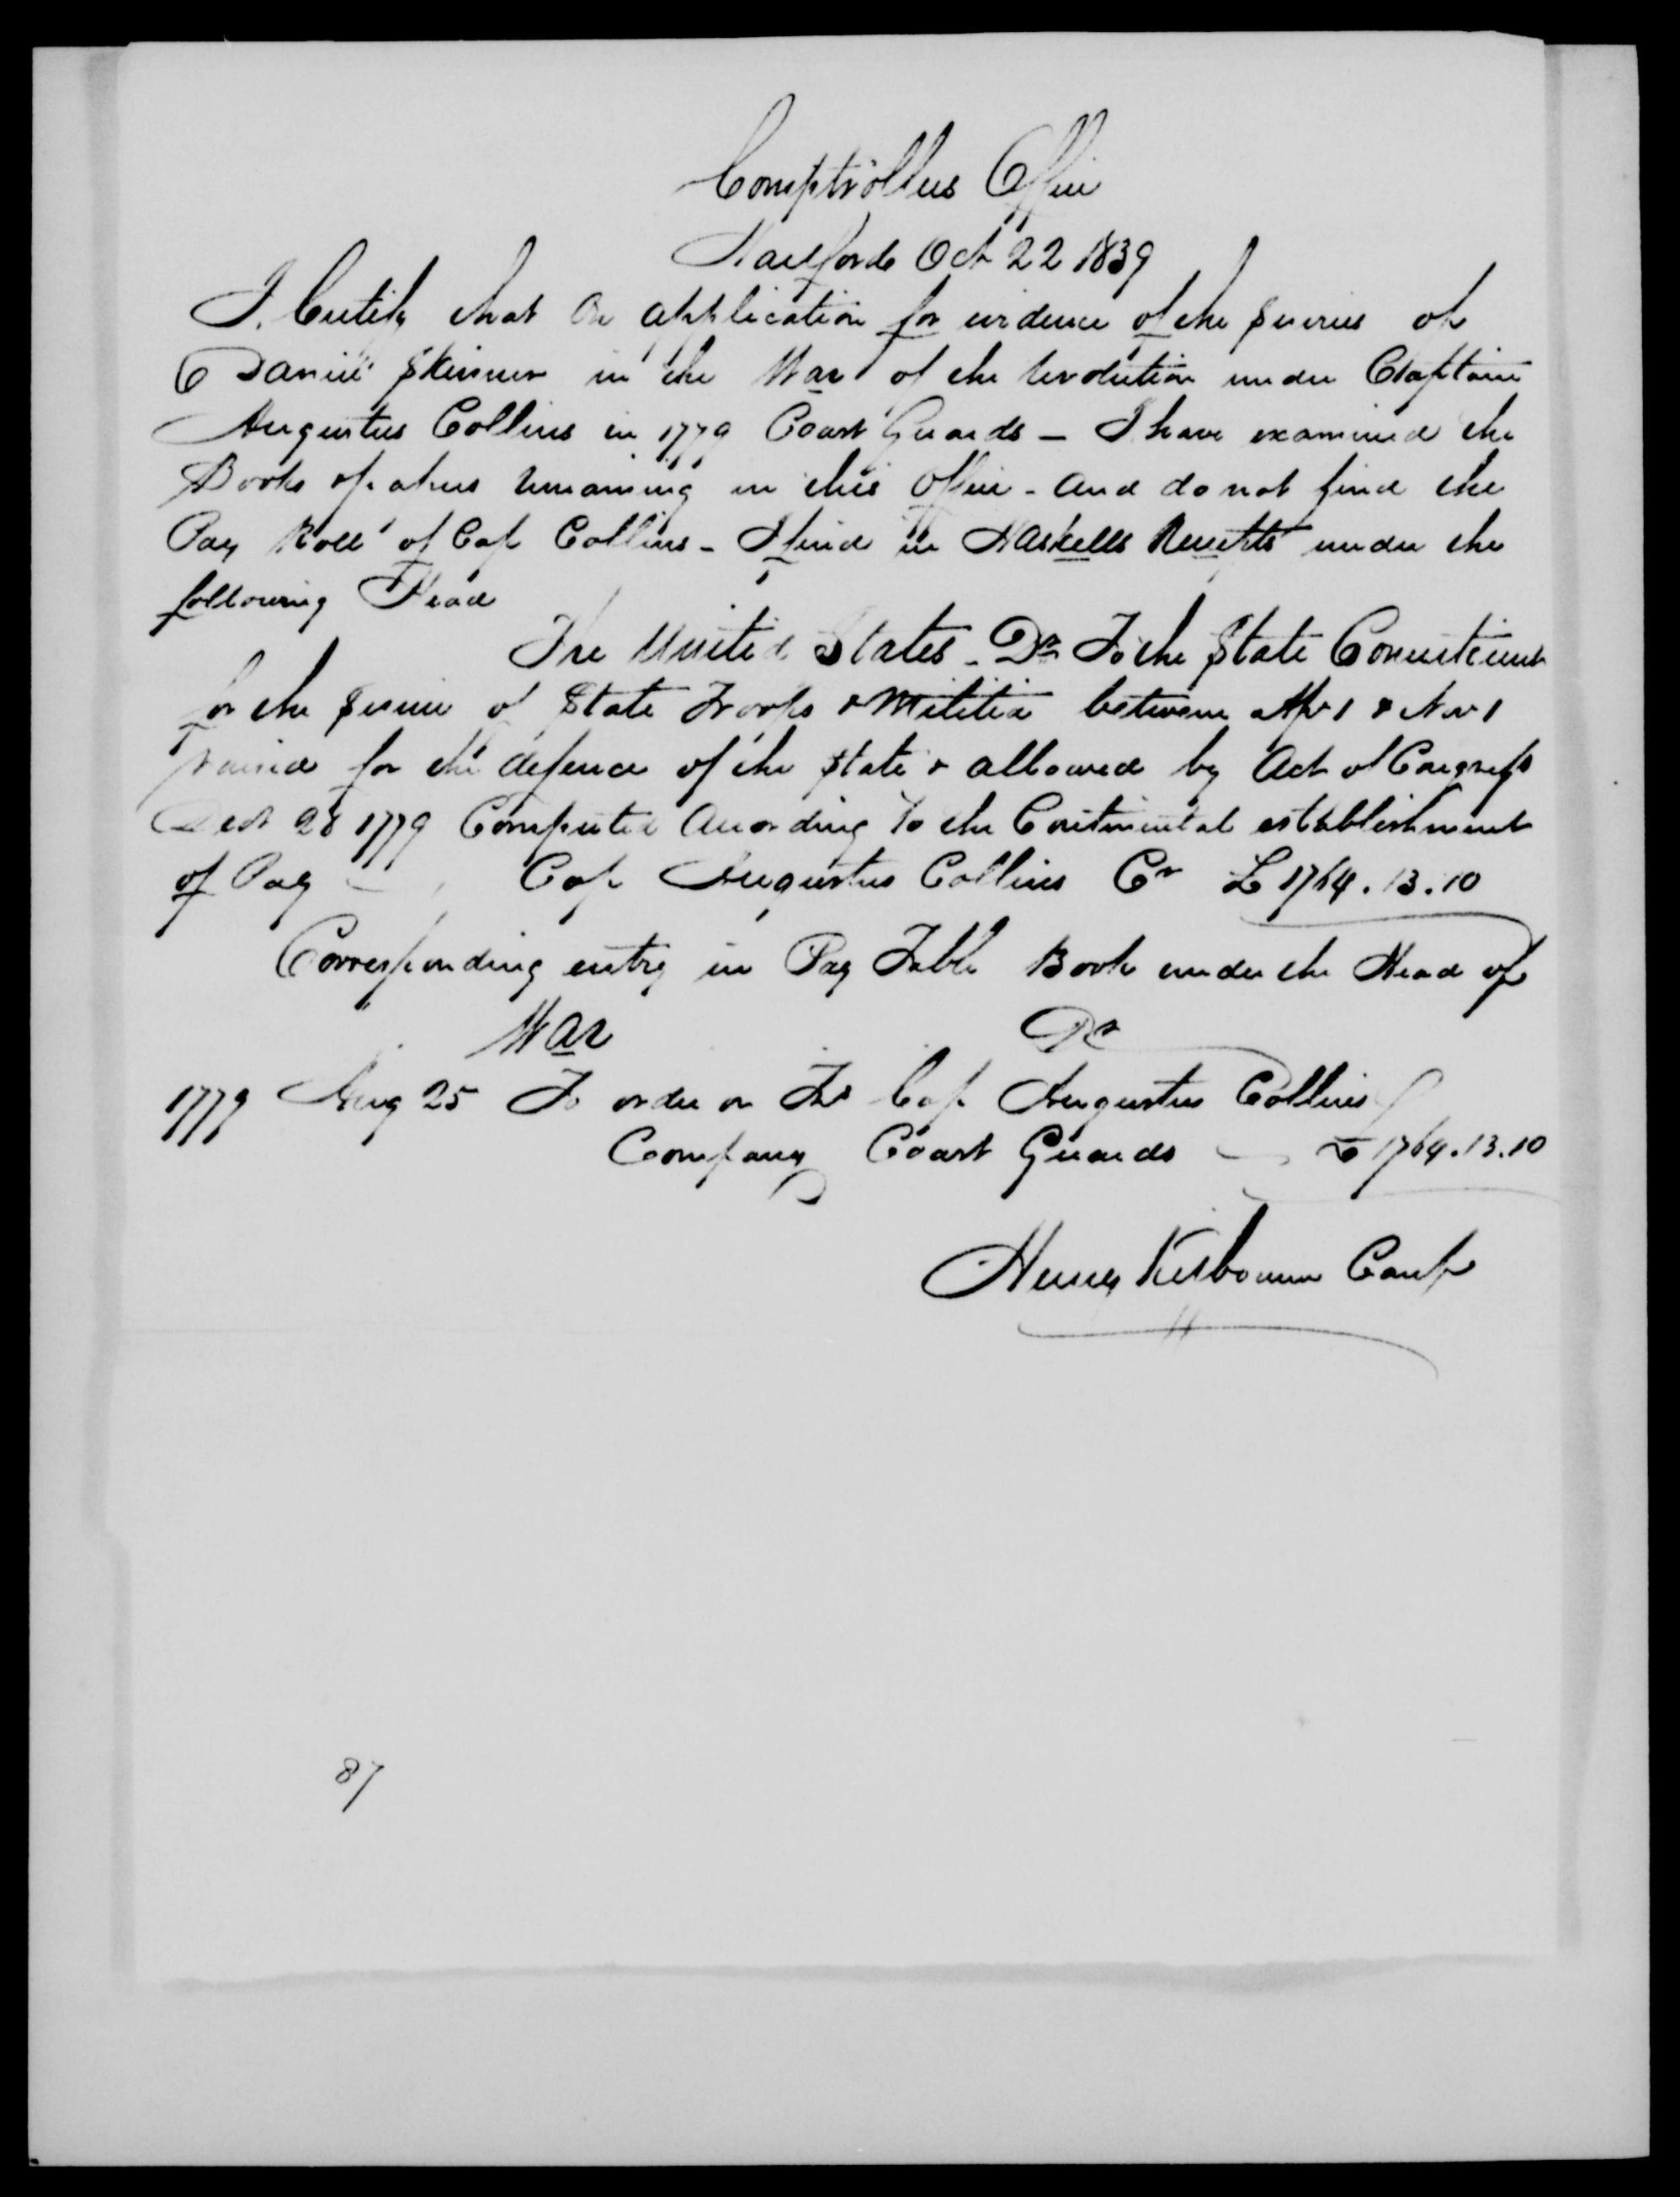Comptrollers Office
Hartford Oct 22 1839

J. Cutch has an application for evidence of the service of
Daniel Skinner in the War of the revolution under Captain
Augustus Collins in 1779 Court Guards - I have examined the
Books of (illegible) remaining in this office- and do not find the
Pay Roll of Capt. Collins-- I find in Haskells (illegible) under the
following Peace

The United States Dc to the State Connecticut
of the service of State Troops & Militia between Apl 1 & Nov 1
service for the defense of the State & allowed by act of Congress
Decr 28 1779 Computed according to the Continental establishment
of Pay-- Col Augustus Collins Cr L 1764.13.10

Corresponding entry in Pay Table Book under the head of
War
1779 Aug 25 To order of the Capt. Augustus Collins
Company Court Guards --
Henry Kilbourne Comptr.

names: Daniel Skinner; Henry Kilbourne; [BLANK] Collins; Augustus Collins; Haskell Revehts; Augustus Collins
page: 39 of 46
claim: widow's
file: W. 24976, for Daniel Skinner, New Hampshire